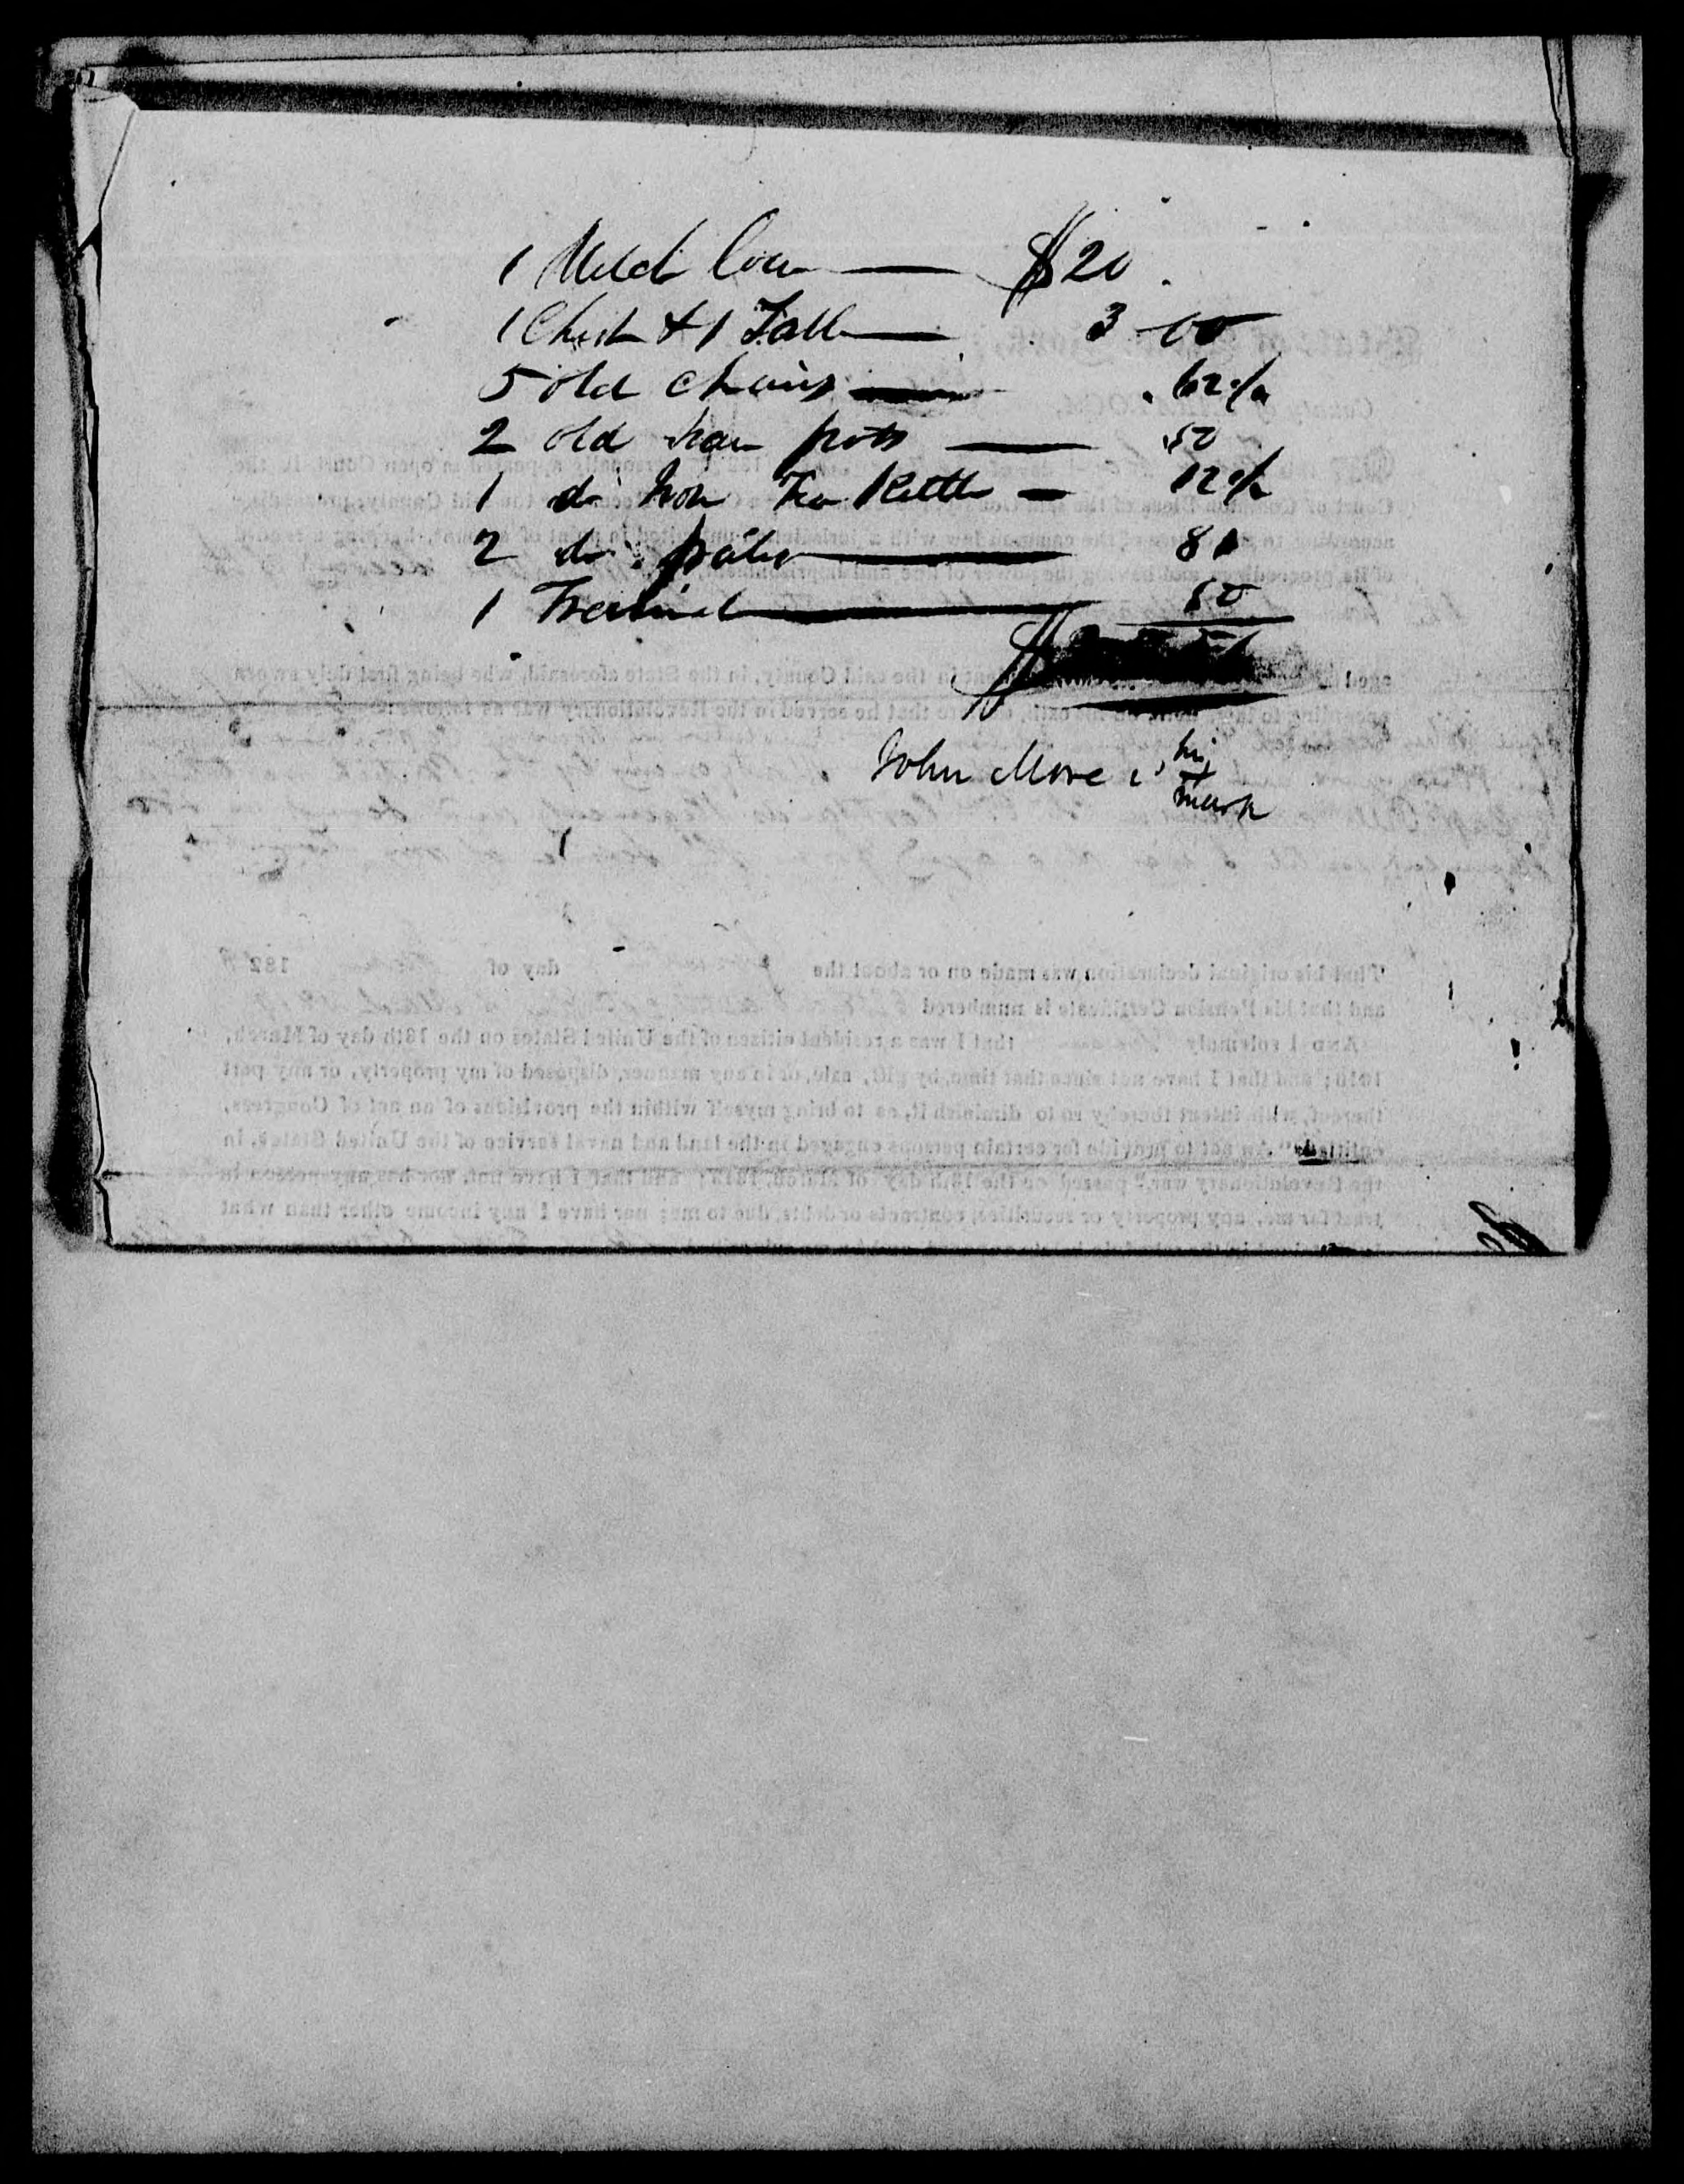1 Milch Cow  - $20
1 Chest & 1 Table  - 3.00 
5 old chairs  - .62 1/2
2 old iron pots -  .50
1 old Iron Tea kettle - 12 ½
2 old pales  - 81
1 [illegible]  -  50
$25.56
[signed] John More 2d  + his mark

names: John More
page: 5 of 15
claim: survivor's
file: S. 43029, for John Moore, New York